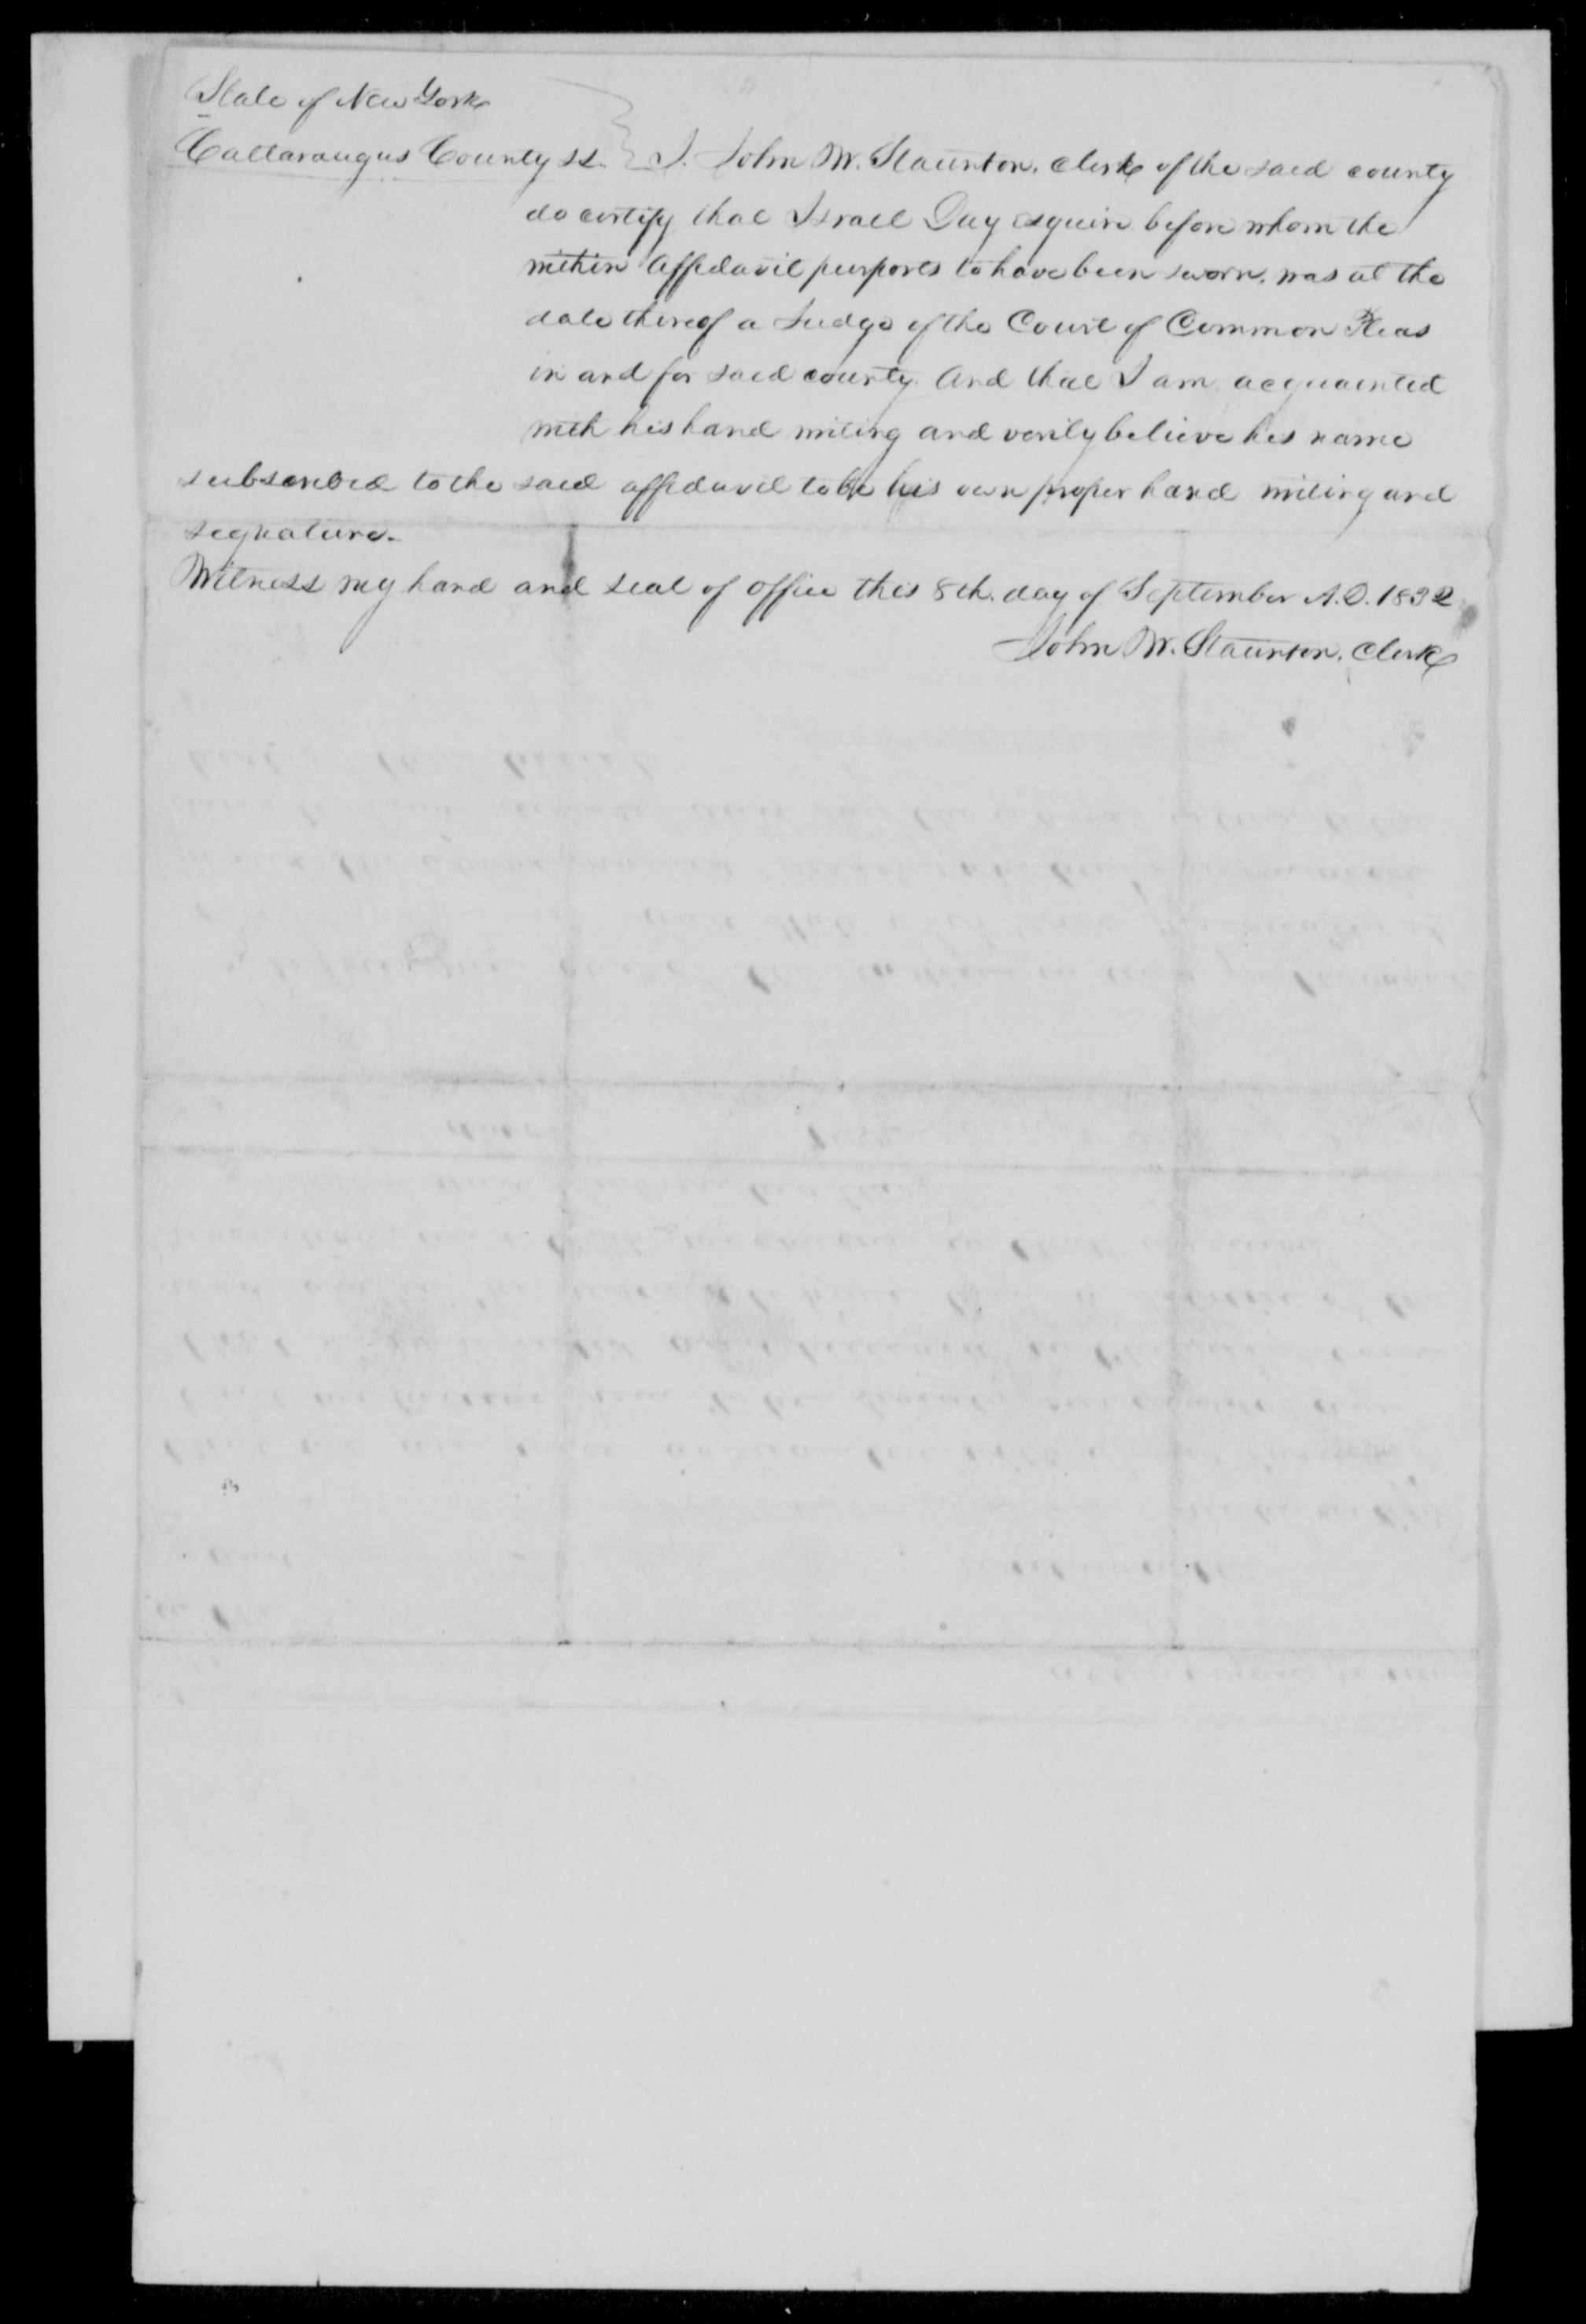State of New York}
Cattaraugus County ss.}

I, John M Staunton, clerk of the said county do certify that Israel Day Esquire before whom the within affidavit purports to have been sworn, was at the date thereof a Judge of the Count of Common Pleas in and for said county and that I am acquainted with his hand writing and verily believe his name subscribed to the said affidavit to be his own proper hand writing and signature.

Witness my hand and seal of Office this 8th day of September A. D. 1832
John M. Staunton,  Clerk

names: John M Staunton, Israel Day, John M Staunton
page: 24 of 40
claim: widow's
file: W. 3742, Moses Warner, Conn.